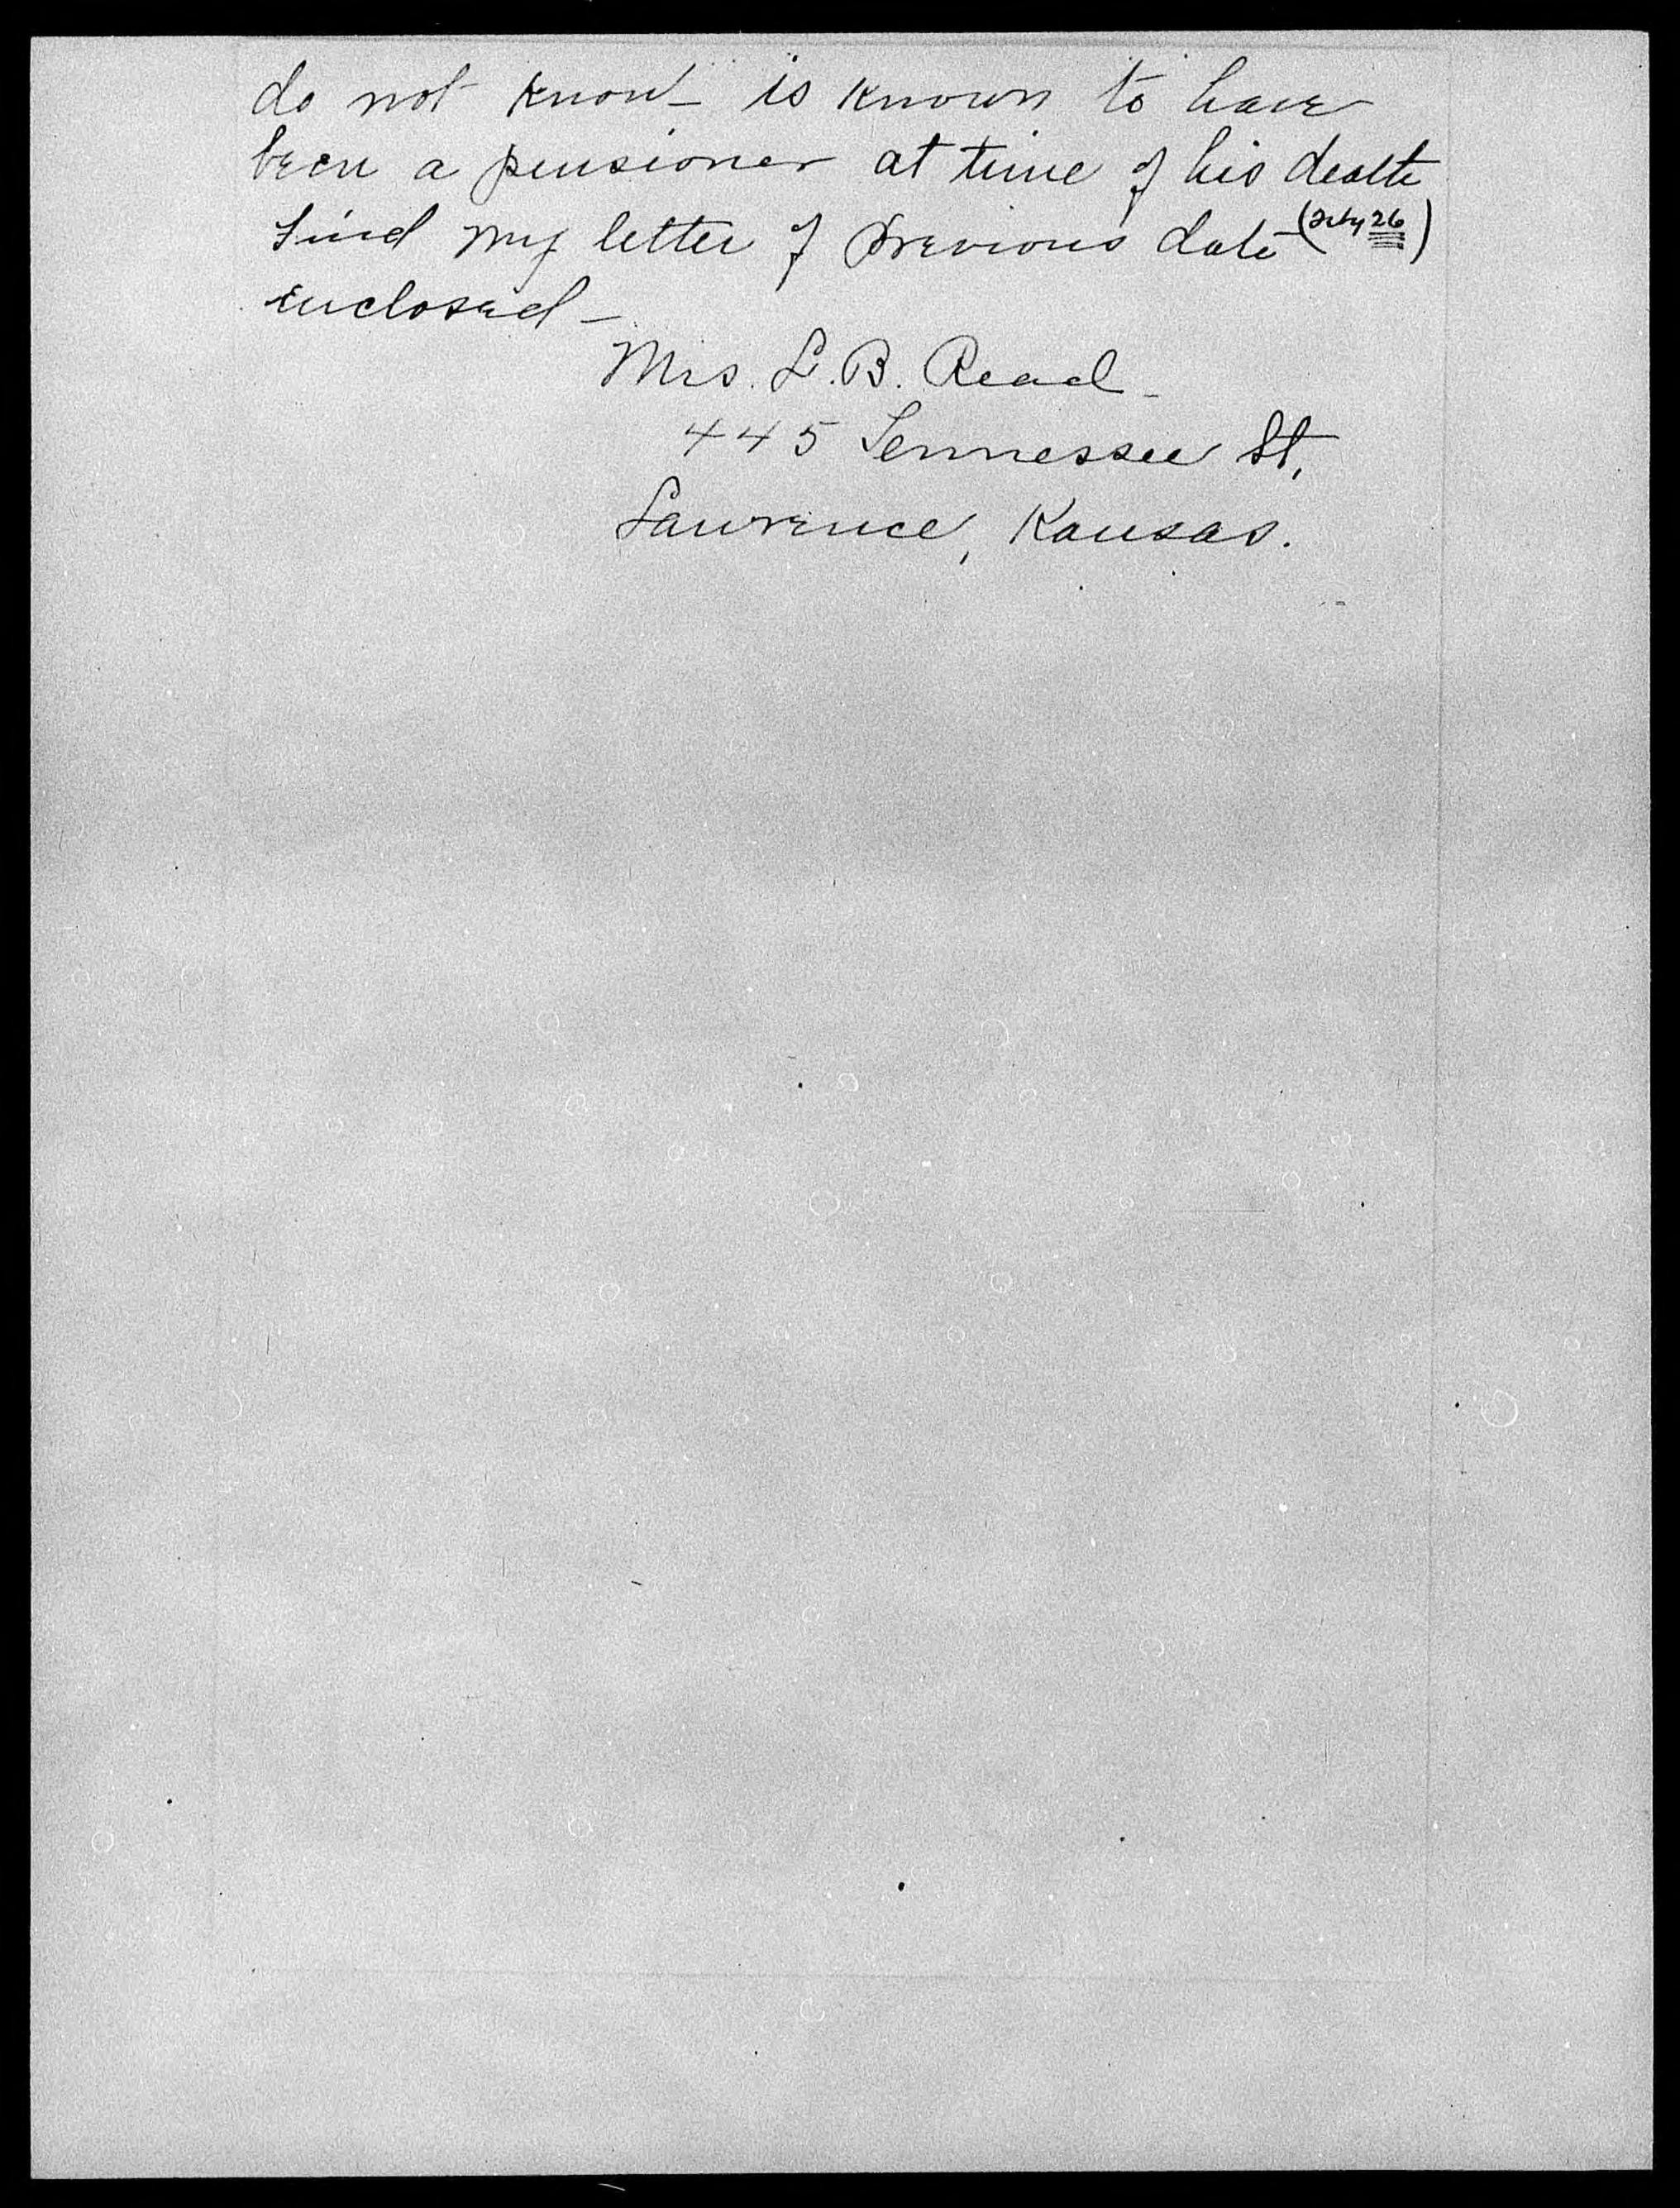do not know - is known to have been a pensioner at time of his death Find my letter of previous date - (Feby 26) enclosed -
Mrs. L. B. Read -
445 Tennessee St.
Lawrence, Kansas.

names: L B Read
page: 32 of 36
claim: survivor's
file: S. 42,792, for John Kimball, Connecticut